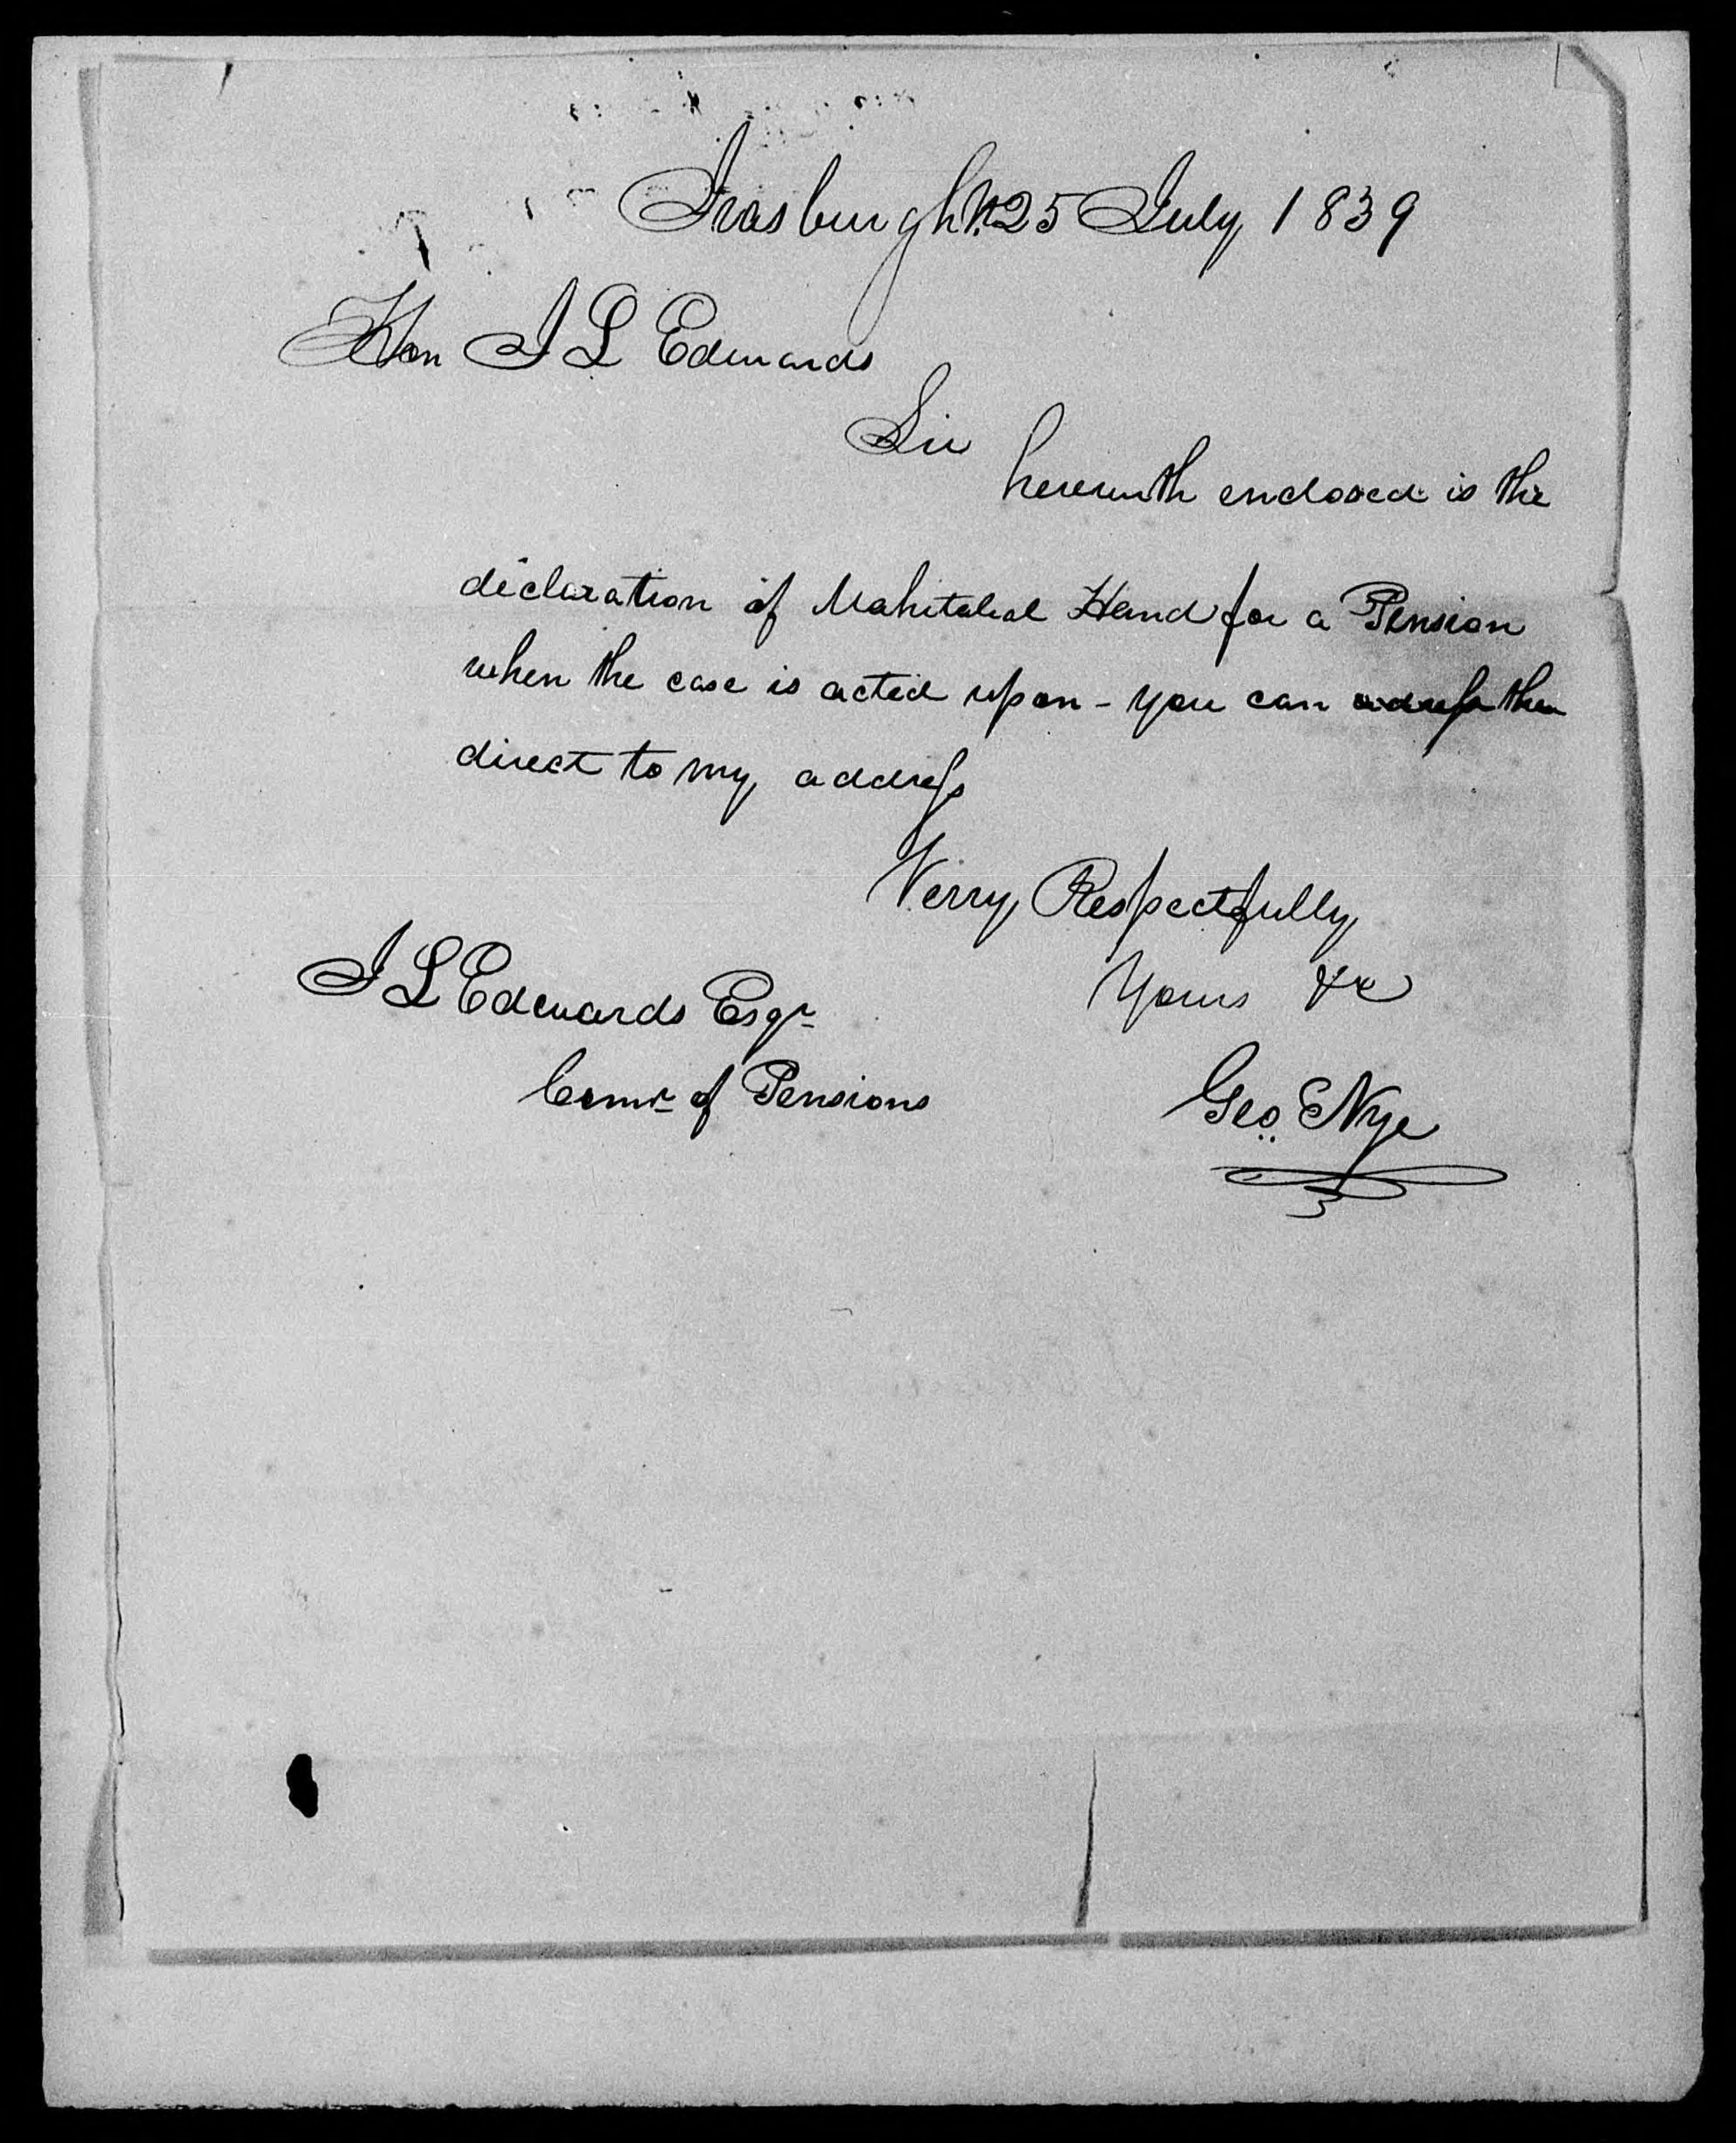Frasburgh 25 July 1839
Hon J L Edwards
Sir
herewith enclosed is the
declaration of Mahitabel Hand for
when the case is acted upon-- you can
direct to my address. Verry  Respectfully yours
J L Edwards Esqr
Comr. of Pensions
Geo. Nye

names: J L Edwards, J L Edwards, Mahitabal Hand, Geo Nye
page: 36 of 42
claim: widow's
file: W. 19,722, Ira Hand, N.H. Vt.